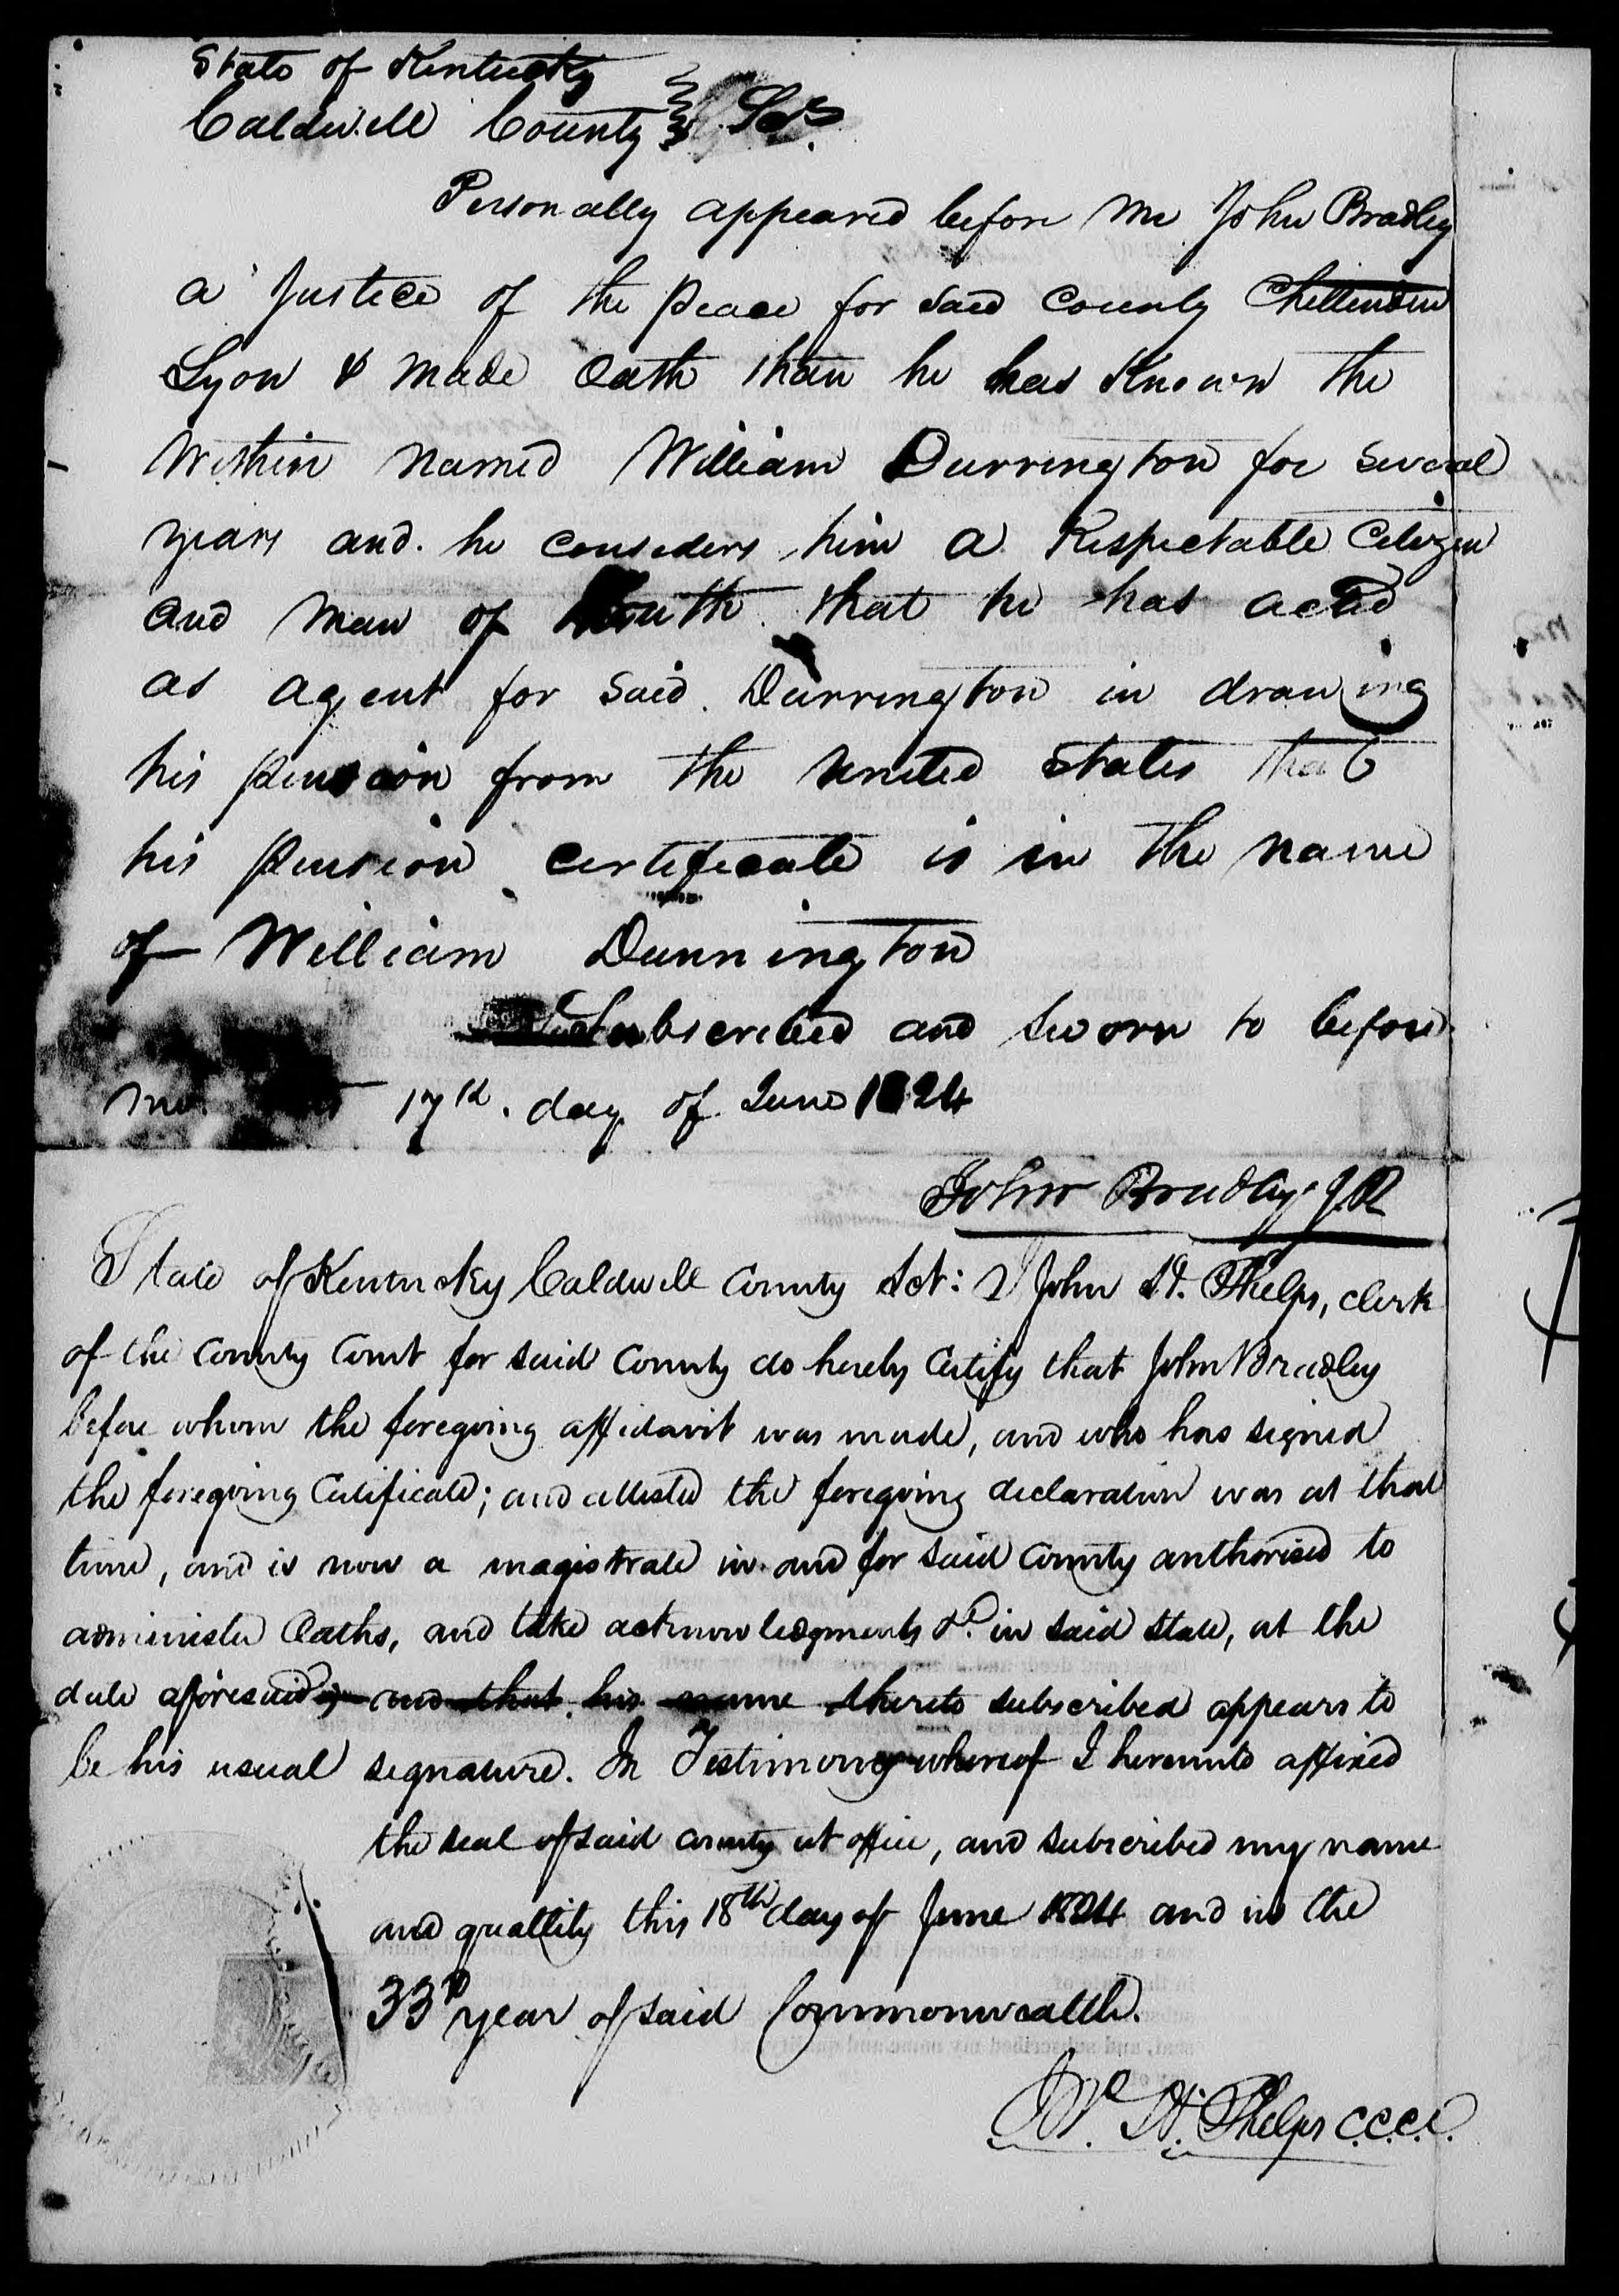State of Kentucky
Caldwell County
Personally appeared before me John Bradley
a Justice of the Peace for said County Chittenden
Lyon & made oath than he has known the
within named William Durrington for several years and he considers him a Respectable Citizen
and man of
truth that he has acted
as agent for said Durrington in drawing
his pension from the United States that
his pension certificate is in the name of
William Dunnington

Subscribed and sworn to before [illegible]
17th day of June 1824
John Bradly, JR

State of Kentucky Caldwell County [illegible]:
I John H. Phelps, Clerk
of the County Court for said County do hereby certify that John Bradley
before whom the foregoing affidavit was made, and who has signed
the foregoing certificate; and attested the foregoing declaration was at that
time, and is now a magistrate in and for said County authorized to
administer Oaths, and take acknowledgments & in said State, at the
date aforesaid that his name thereto subscribed appears to
be his usual signature. In Testimony whereof I hereunto affixed
the seal of said County at office, and subscribed my name
and quality this 18th day of June 1824 and in the 33rd year of said Commonwealth.
W. Phelps C.C.C.I.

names: John Bradley, William Dunnington, John Bradley, Durrington, Jno H Phelps, John H Phelps, William Durrington, John Bradley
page: 22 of 51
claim: widow's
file: W. 27,409, William Dunnington, Md.